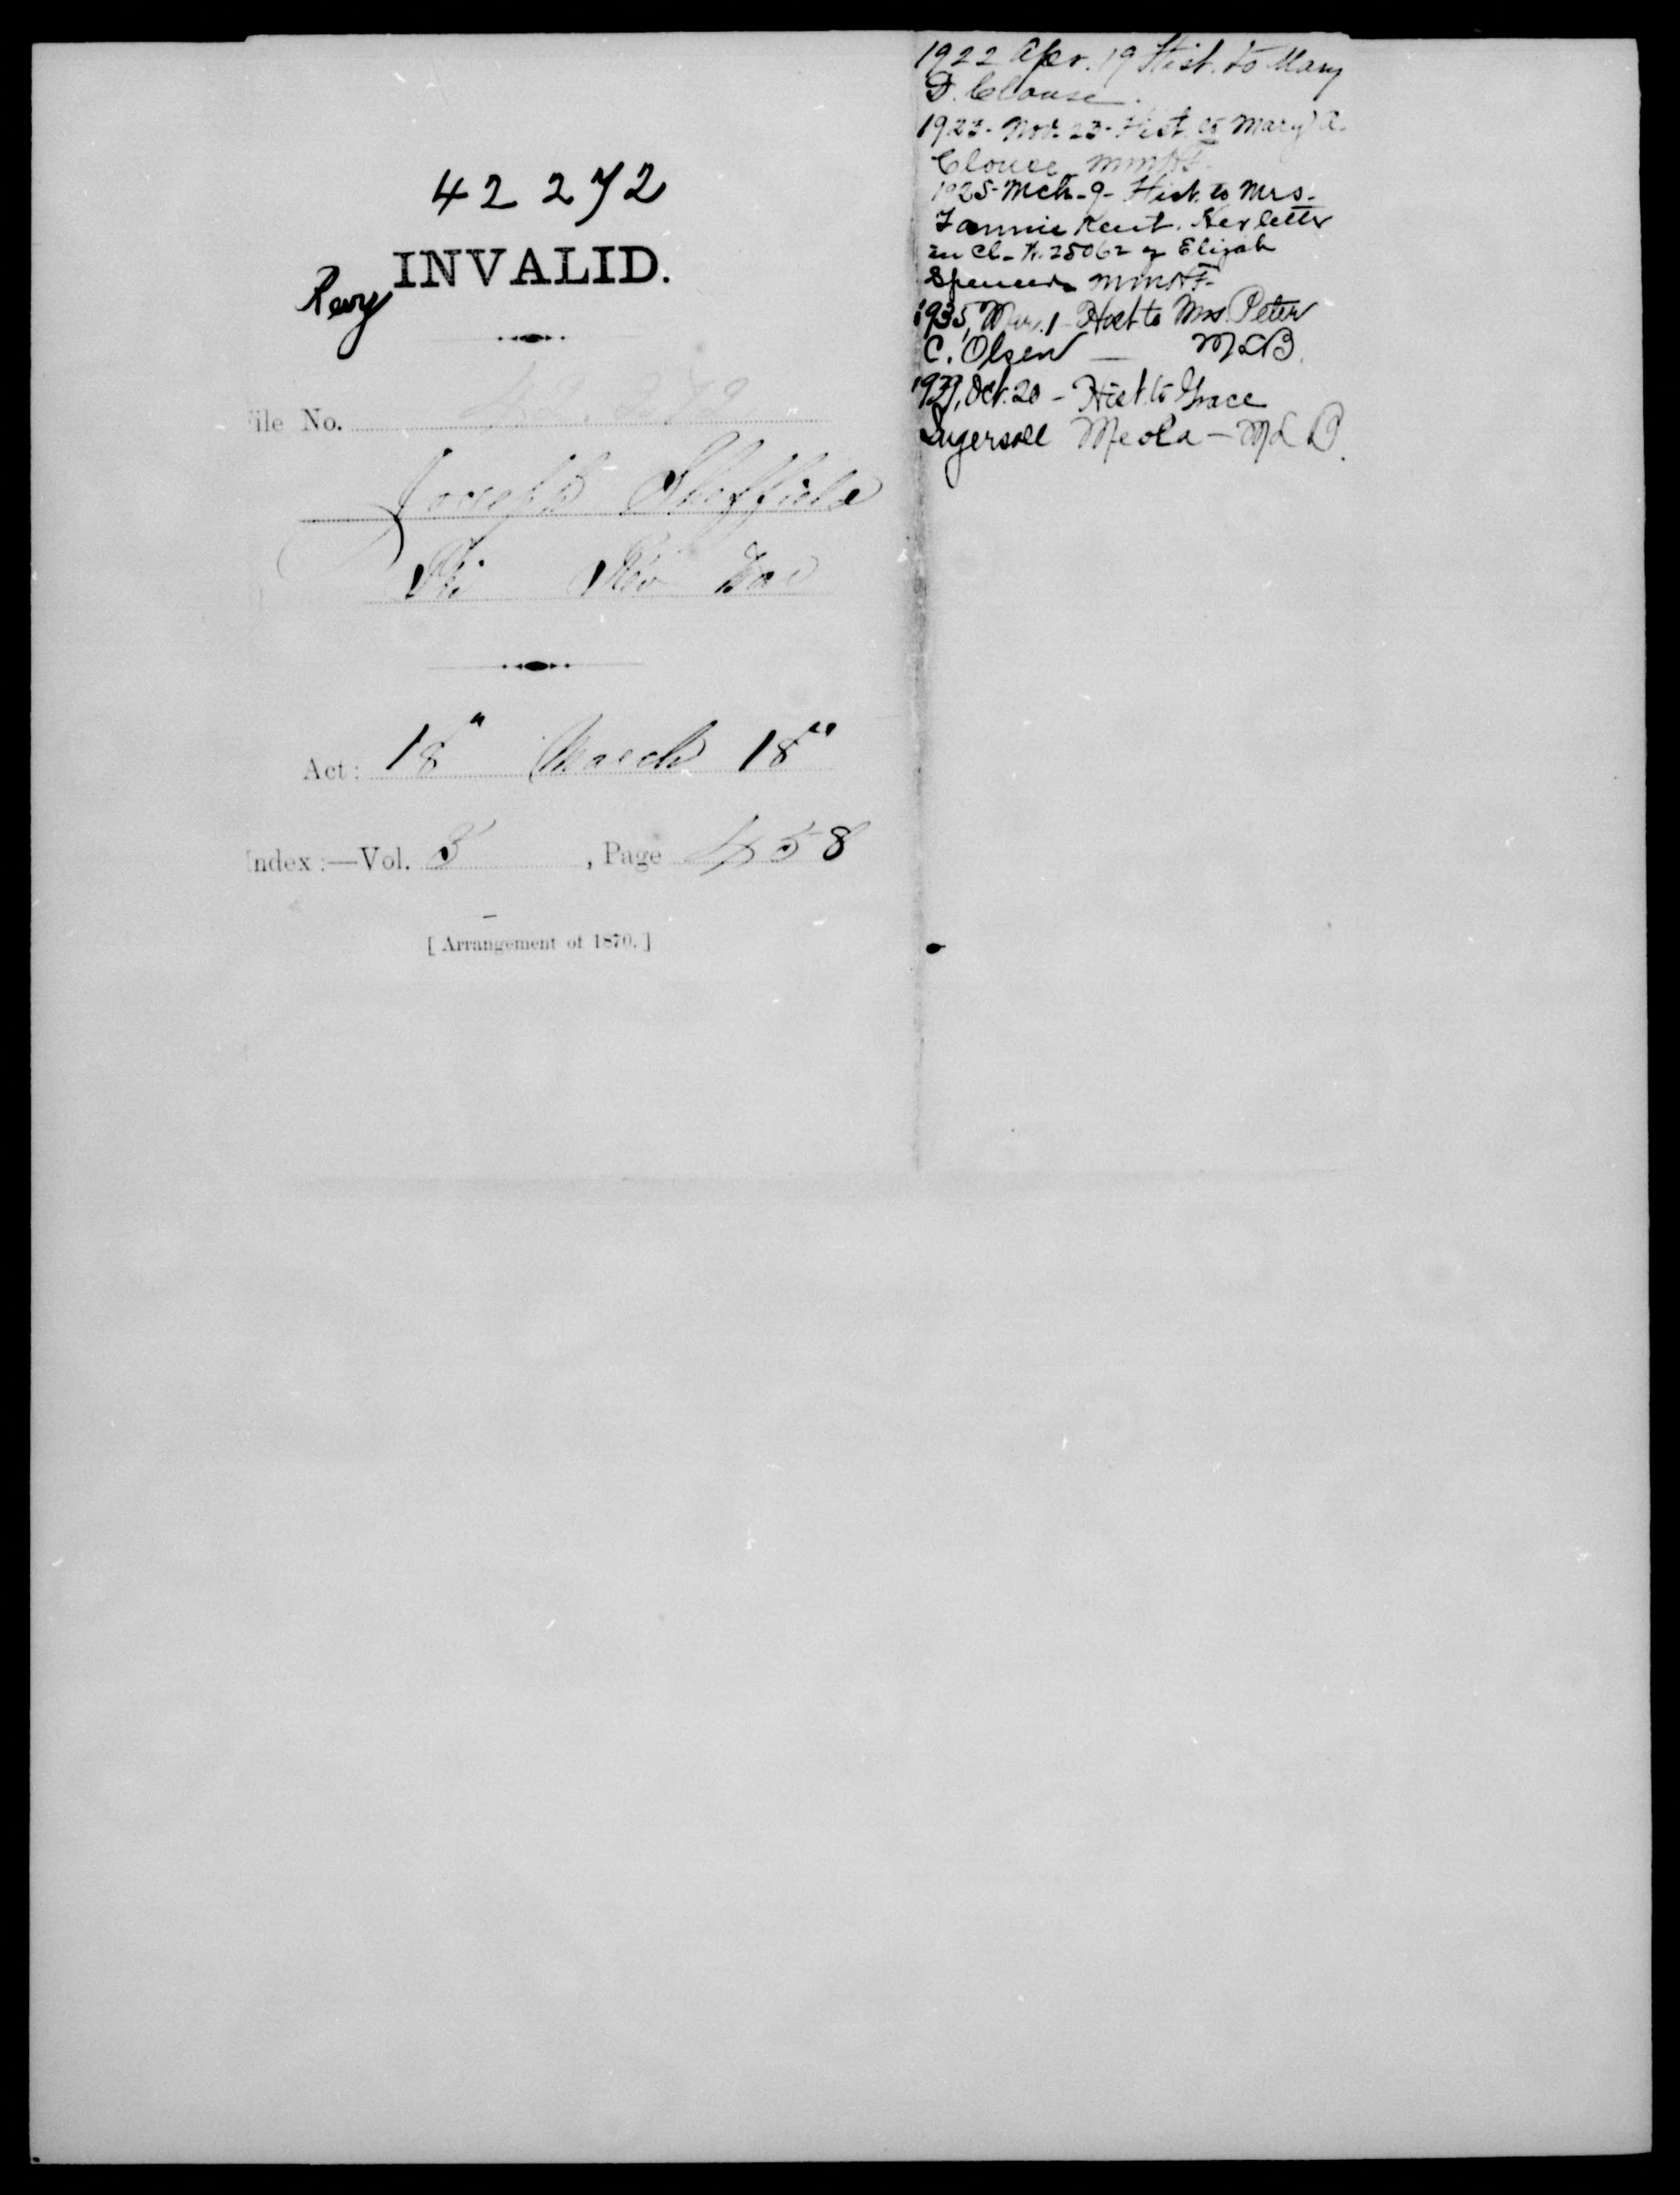42272
Revy INVALID.

File No. 42272

Joseph Suffield
Pri Rev War
Act: 18 March 18
Index: -- Vol. 3 , Page 458
Arrangement of 1870. 


[right column]
1922 Apr. 19 Hist to Mary
D. Clouse
1923. Nov. 23. Hist & Mary A.
Clouse MMH
1925 Mch. 9. Hist to Mrs.
Fannie Kent, Her letter
in N. 25062 of Elijah
Spencer MMH
1935.Nov 1 hist to Mrs. Peter
C. Olsen MLB
1939 Oct. 20---Hist Grace
Ingersoll Meola -MLB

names: Joseph Sheffield; Peter C Olsen; Elijah Spencer; Grace Ingersoll Meola; Mary D Clouse; Fannie Kent; Mary D Clouse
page: 11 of 25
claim: survivor's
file: S. 42,272, for Joseph Sheffield, Connecticut